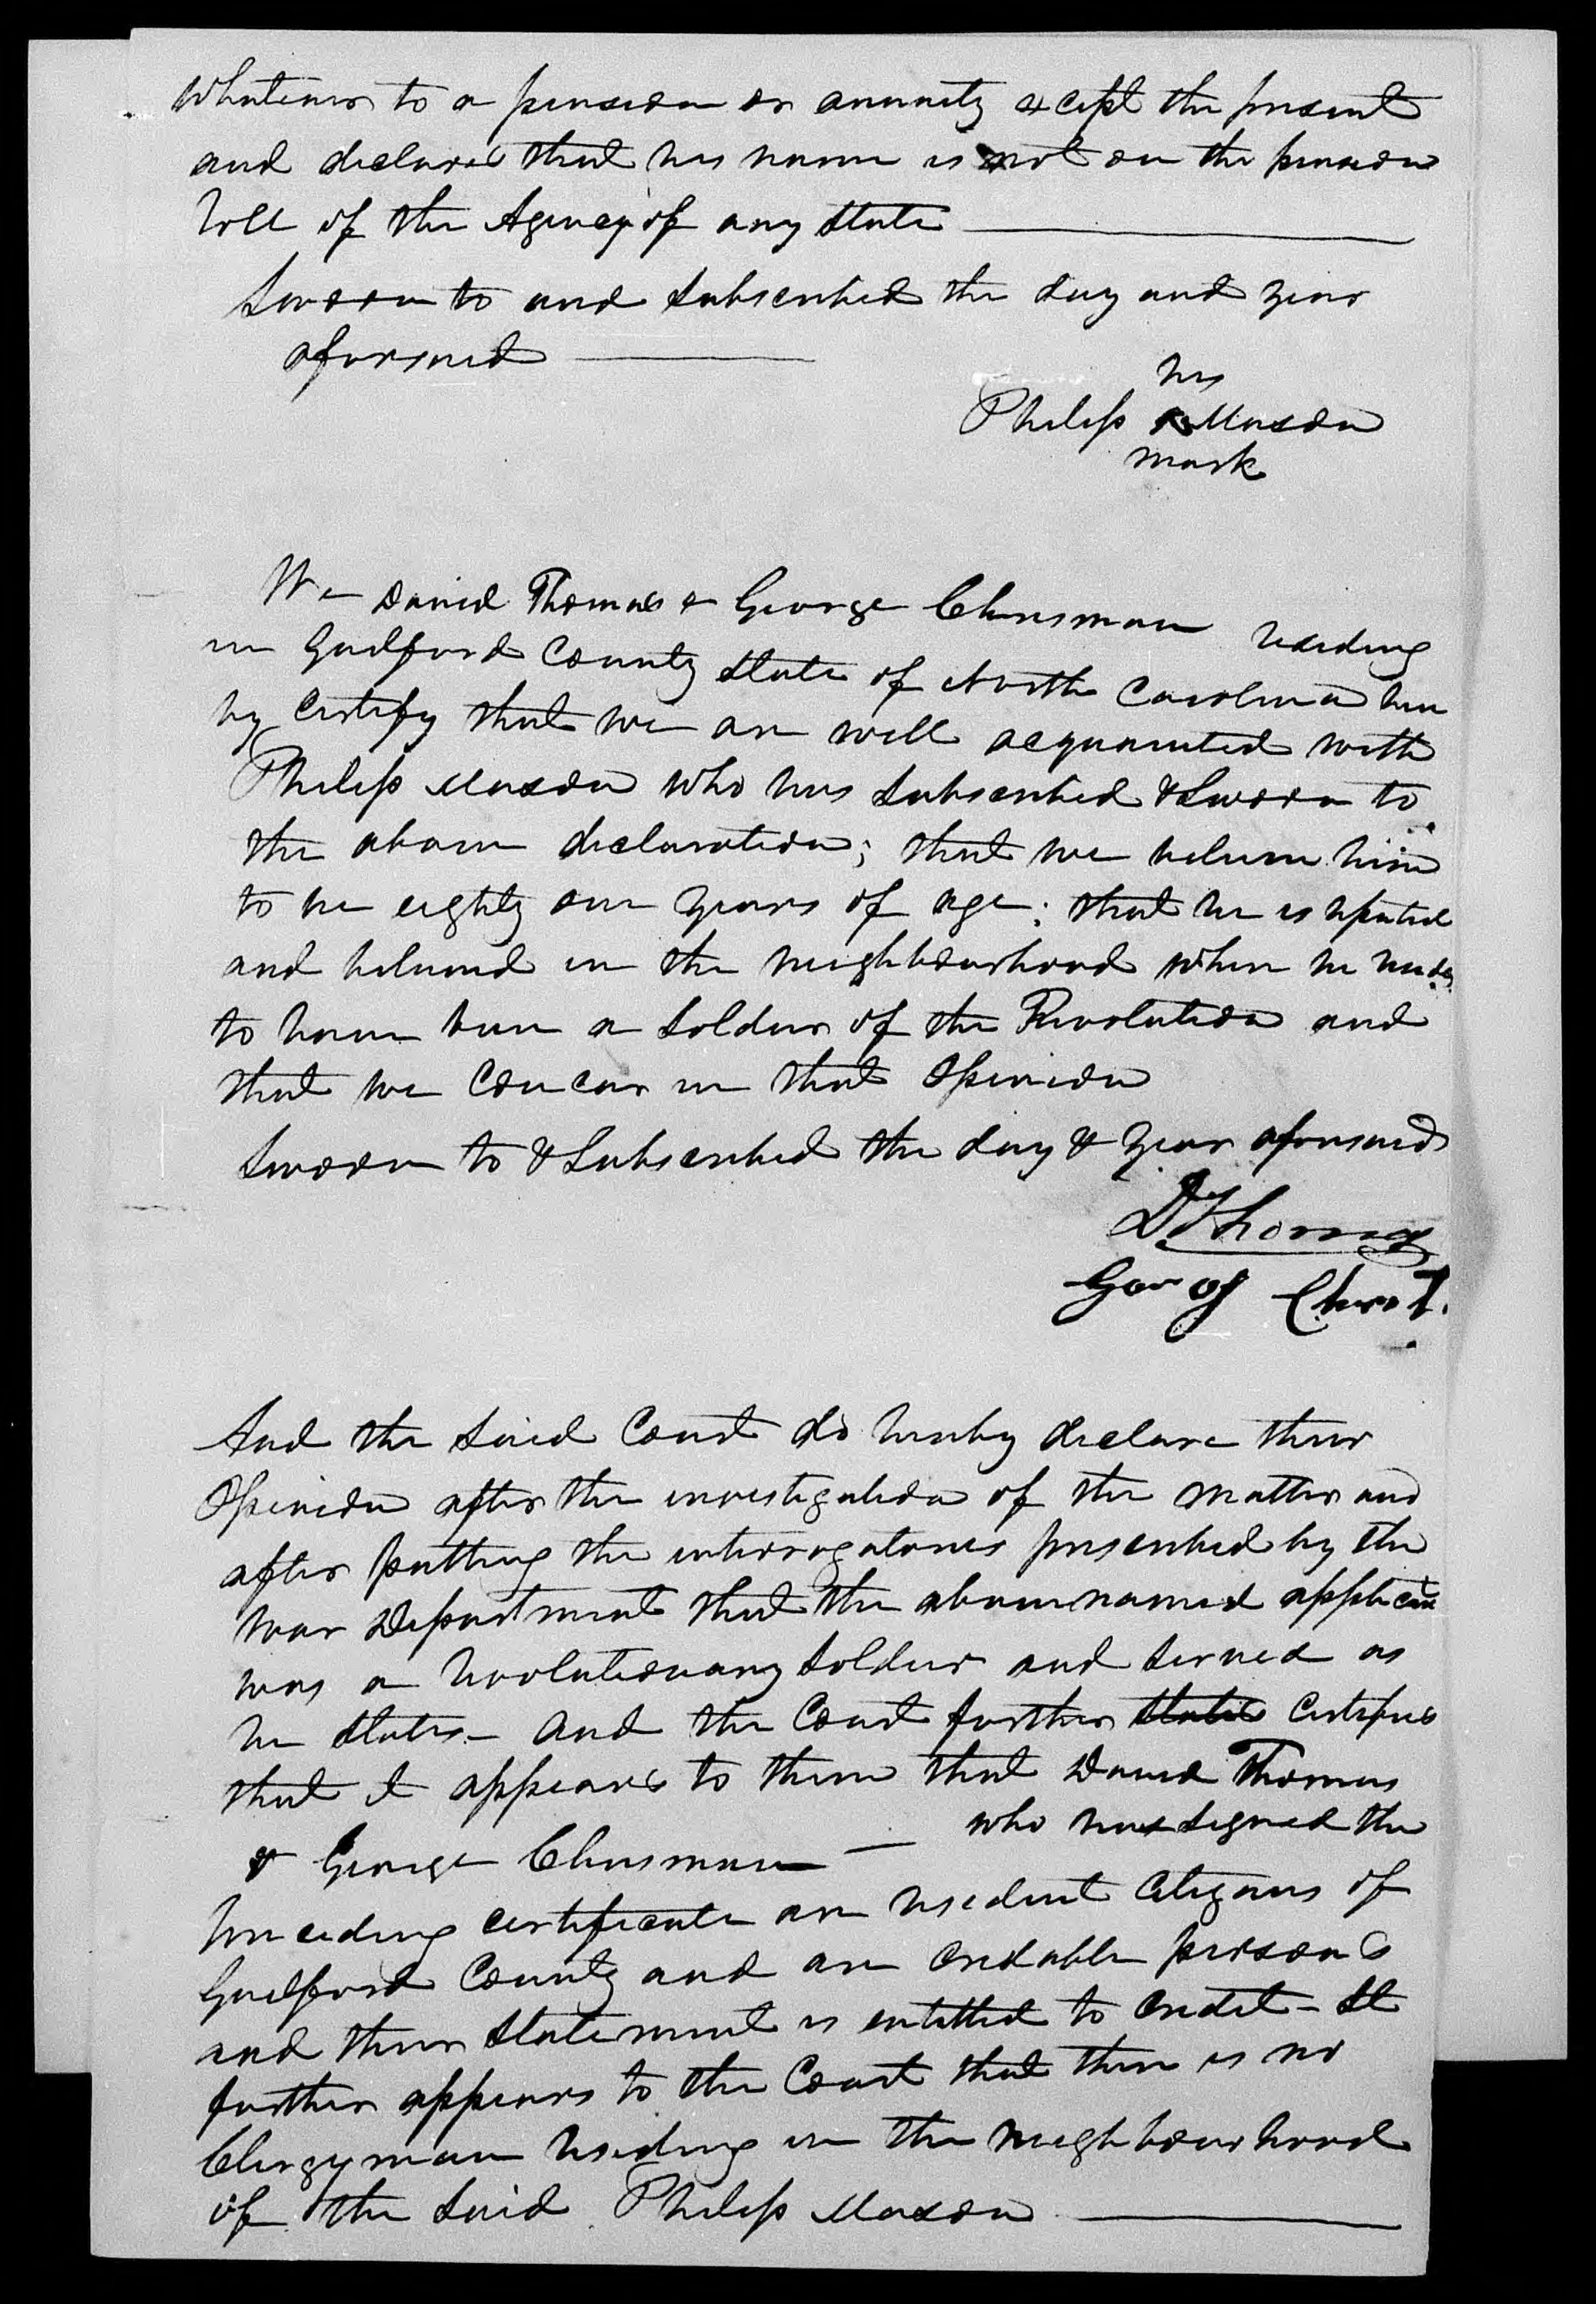whatever to a pension or annuity except the present and illegible that his name is not on the pension roll of the Agency of any State -
Sworn to and subscribed the day and year
aforesaid -
Illegible
Philip Morson
Mark
We David Thomas & George Chrisman residing
in Guilford County State of North Carolina here
by certify that we are well acquainted with
Philip Mason who has subscribed & Sworn to
the above declaration; that we believe him
to be eighty our years of age; that he is reputed and believed in the neighborhood when he illegible to have been a soldier of the Revolution and that we concur in that opinion
Sworn to & Subscribed the day & year aforesaid
Thomas
Gov of illegible
And the said Court do hereby declare their
opinion after the investigation of the matter and after putting the interrogatores presented by the War Department that the abovenamed applicant was a revolutionary soldier and served as he states. - and the Court further certifies that it appears to them that David Thomas & George Chrisman - who has signed the preceding certificate are resident citizens of Guilford County and are credible persons
and their statement is entitled to credit - It
further appears to the Court that there is no
Clergyman residing in the neighbourhood
of the said Philip Mason -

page: 9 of 18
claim: survivor's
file: S. 8,994, for Philip Mason, North Carolina